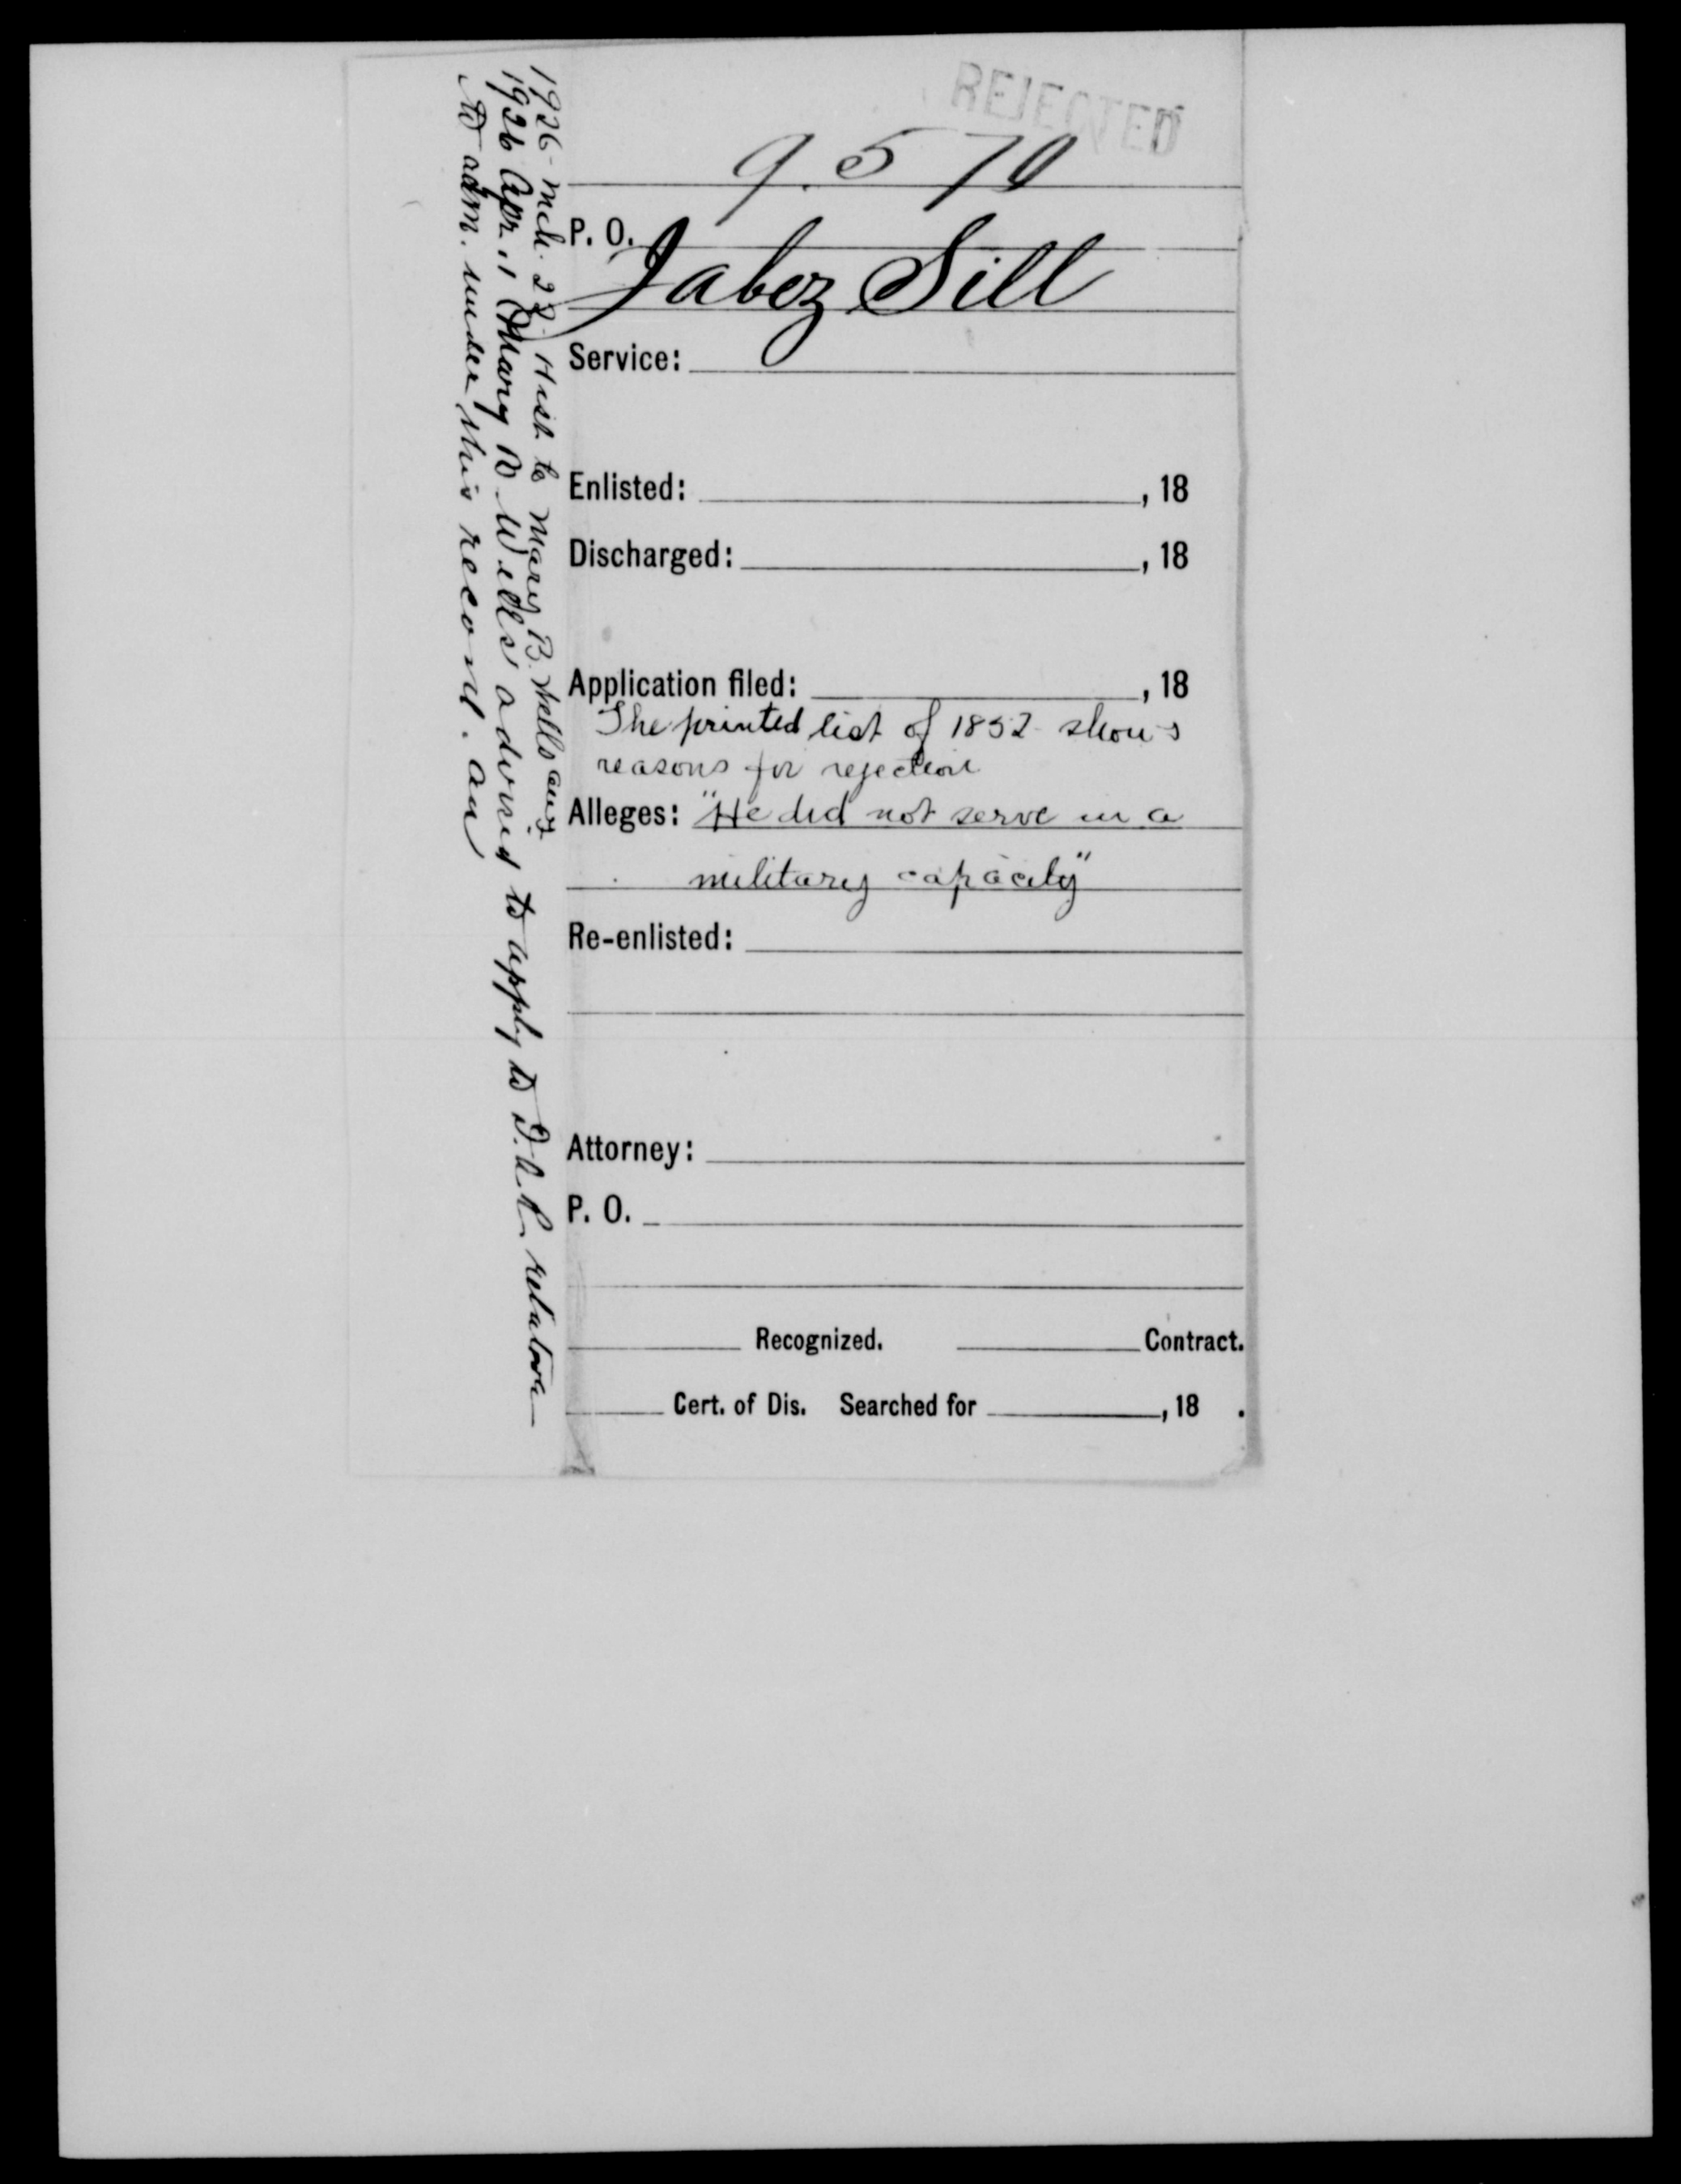REJECTED
           9,570
P.O. ___________________________     
                        Jabez Sill
SERVICE:________________________________
ENLISTED:__________________________,18
Discharged: _______________________, 18
Application filed: __________________, 18
  The printed list of 1832 shows reasons for rejection
Alleges:    He did not serve in a military "capacity"

Re-enlisted:______________________________
Attorney: ________________________________
P.O. _____________________________________

________ Recognized.  ____________Contract.



_________ Cert of Dis.    Searched for _____, 18   

[Written vertically on left side of form]
1926 Mch 22 Hist to Mary B, Welles
1936  Apr 1 Mary B. Wells advised to apply to D.A.R. relative to adm under this record.  an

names: Mary B Wells; Mary B Wells; Jabez Sill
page: 15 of 29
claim: rejected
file: R. 9570, for Jabez Sill, Connecticut